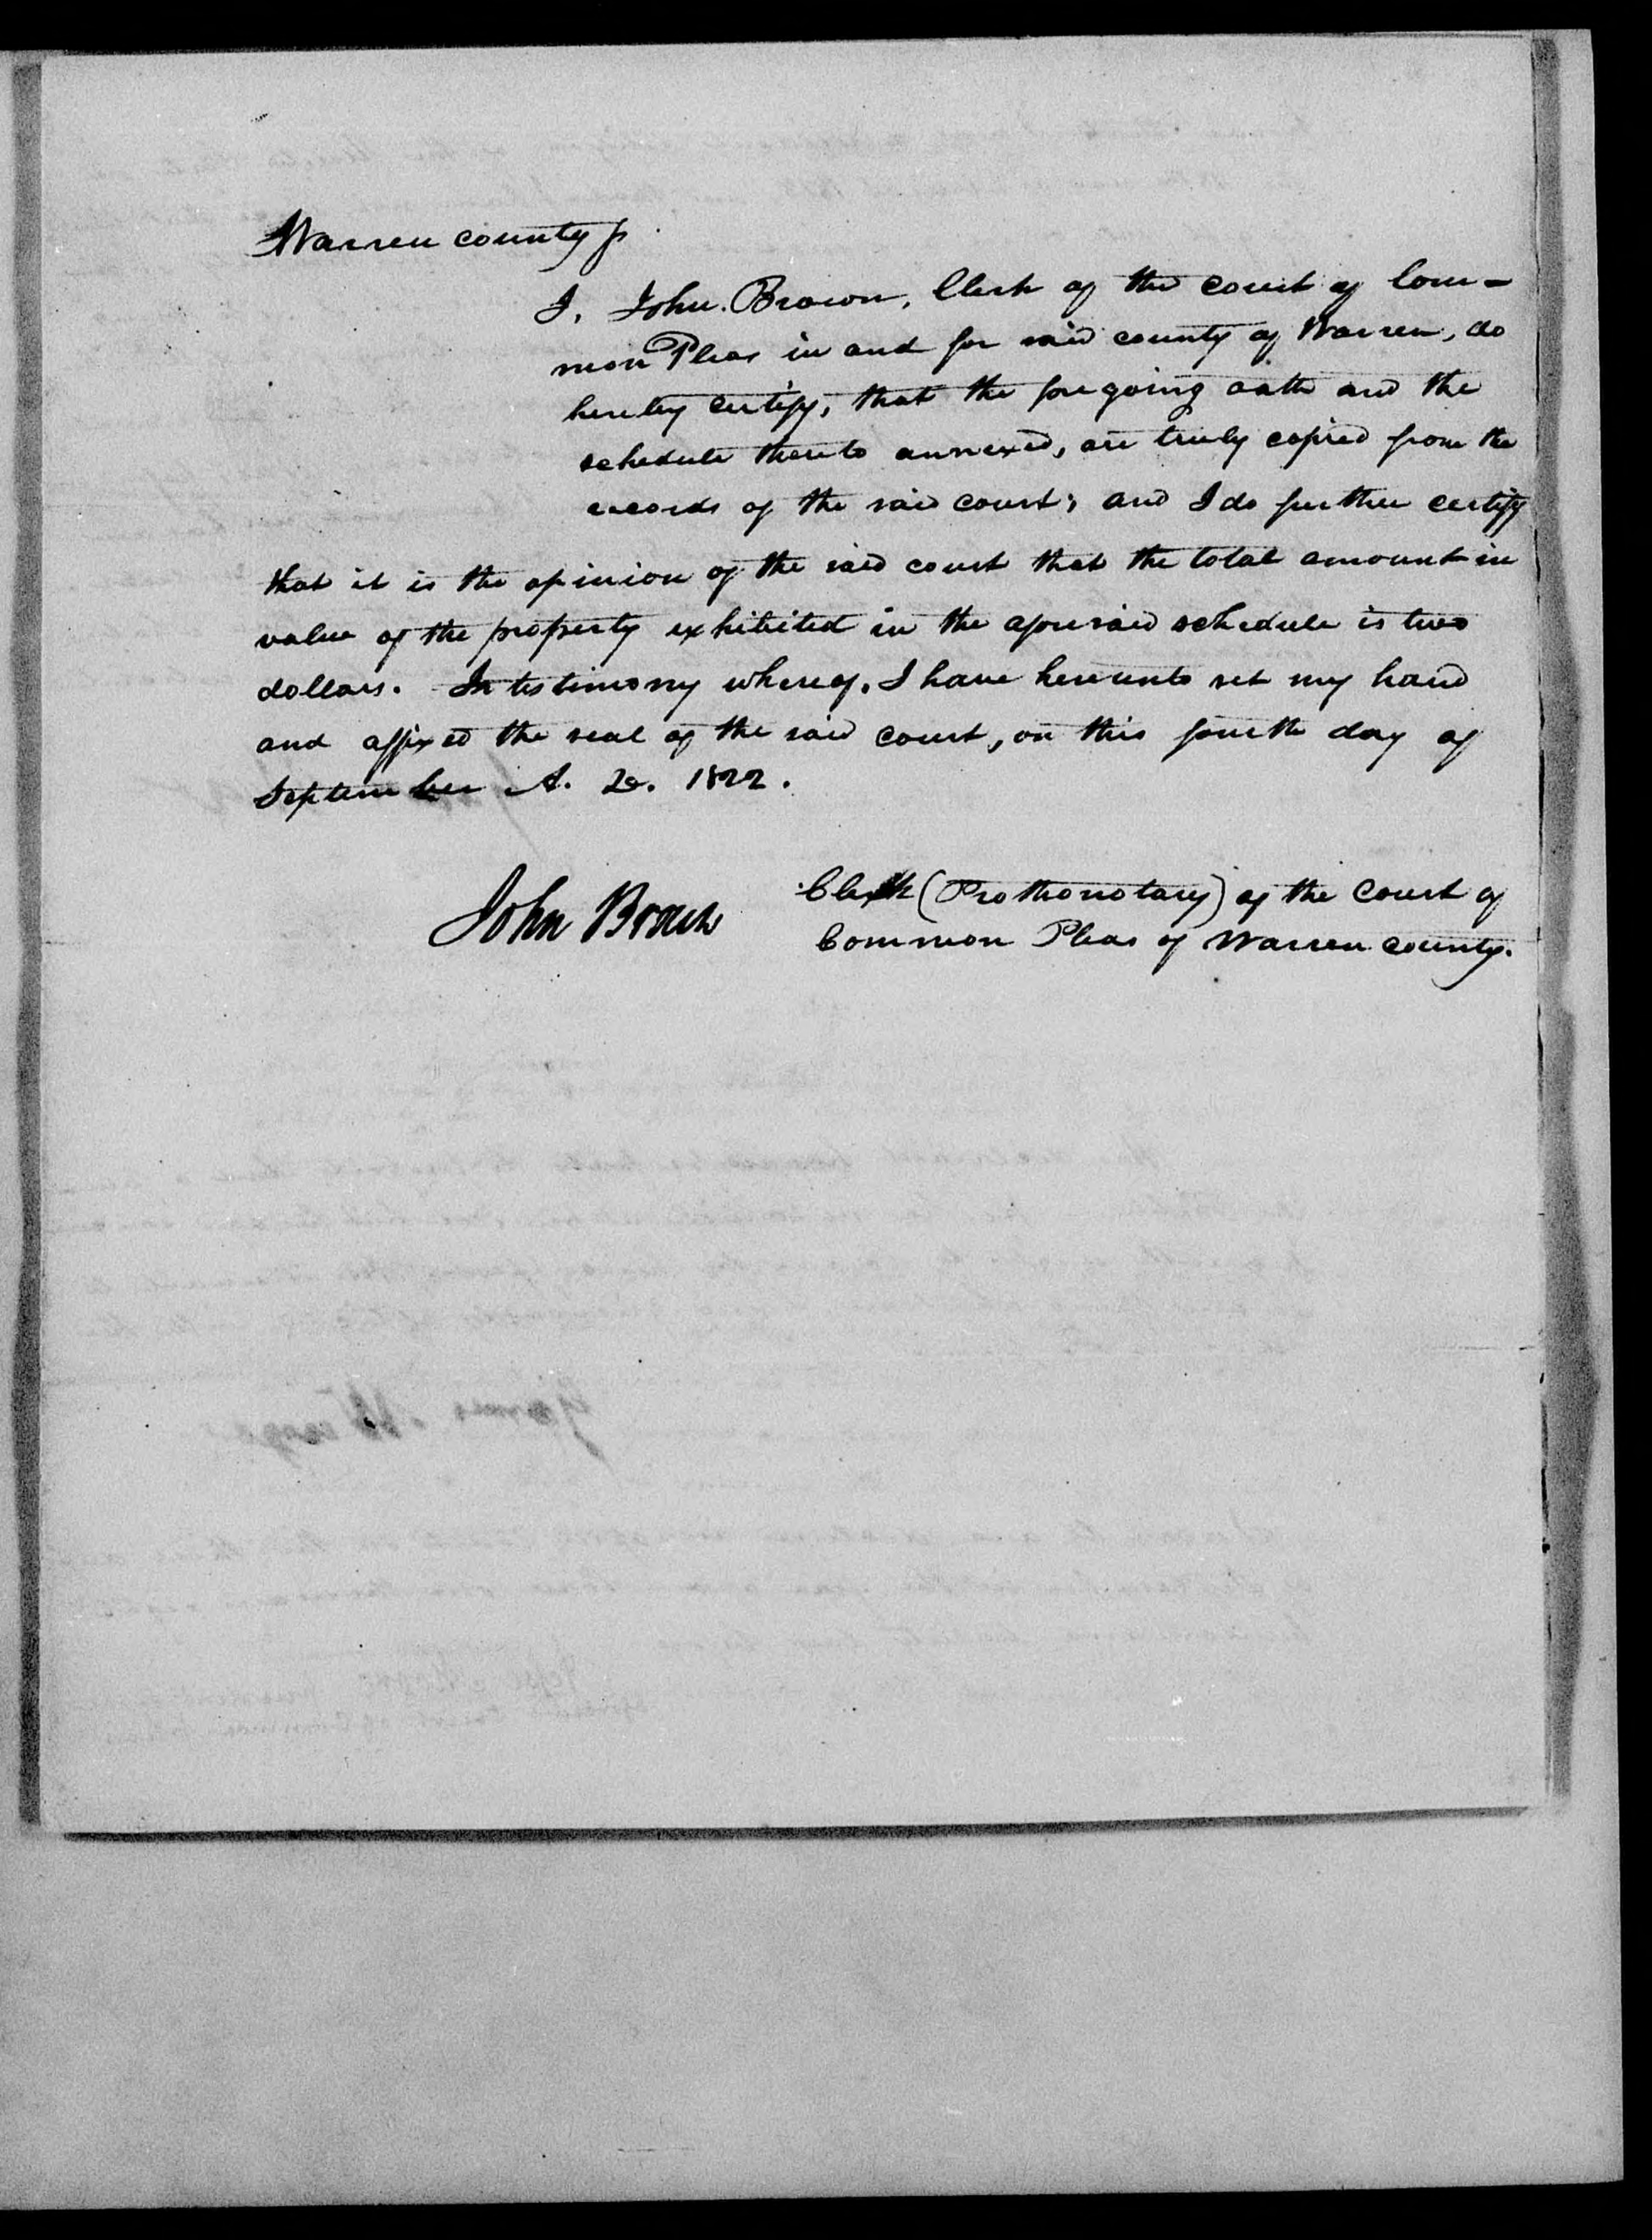Warren county ss

I, John Brown, Clerk of the Court of Common
Pleas in and for the said county of Warren, do hereby certify, that the foregoing oath and the
schedule thereto annexed, an truly copied from the
records of the said court, and I do further certify
that it is the opinion of the said court that the total amount in 
value of the property exhibited in the aforesaid schedule is two
dollars. In testimony whereof, I have hereunto set my hand
and affixed the seal of the said court, on this fourth day of
September A. D. 1822.
John Brown 
Clerk (Prothonotary) of the court of
Common Pleas of Warren County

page: 31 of 77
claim: widow's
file: W 2954, for James Mc Gee, Delaware